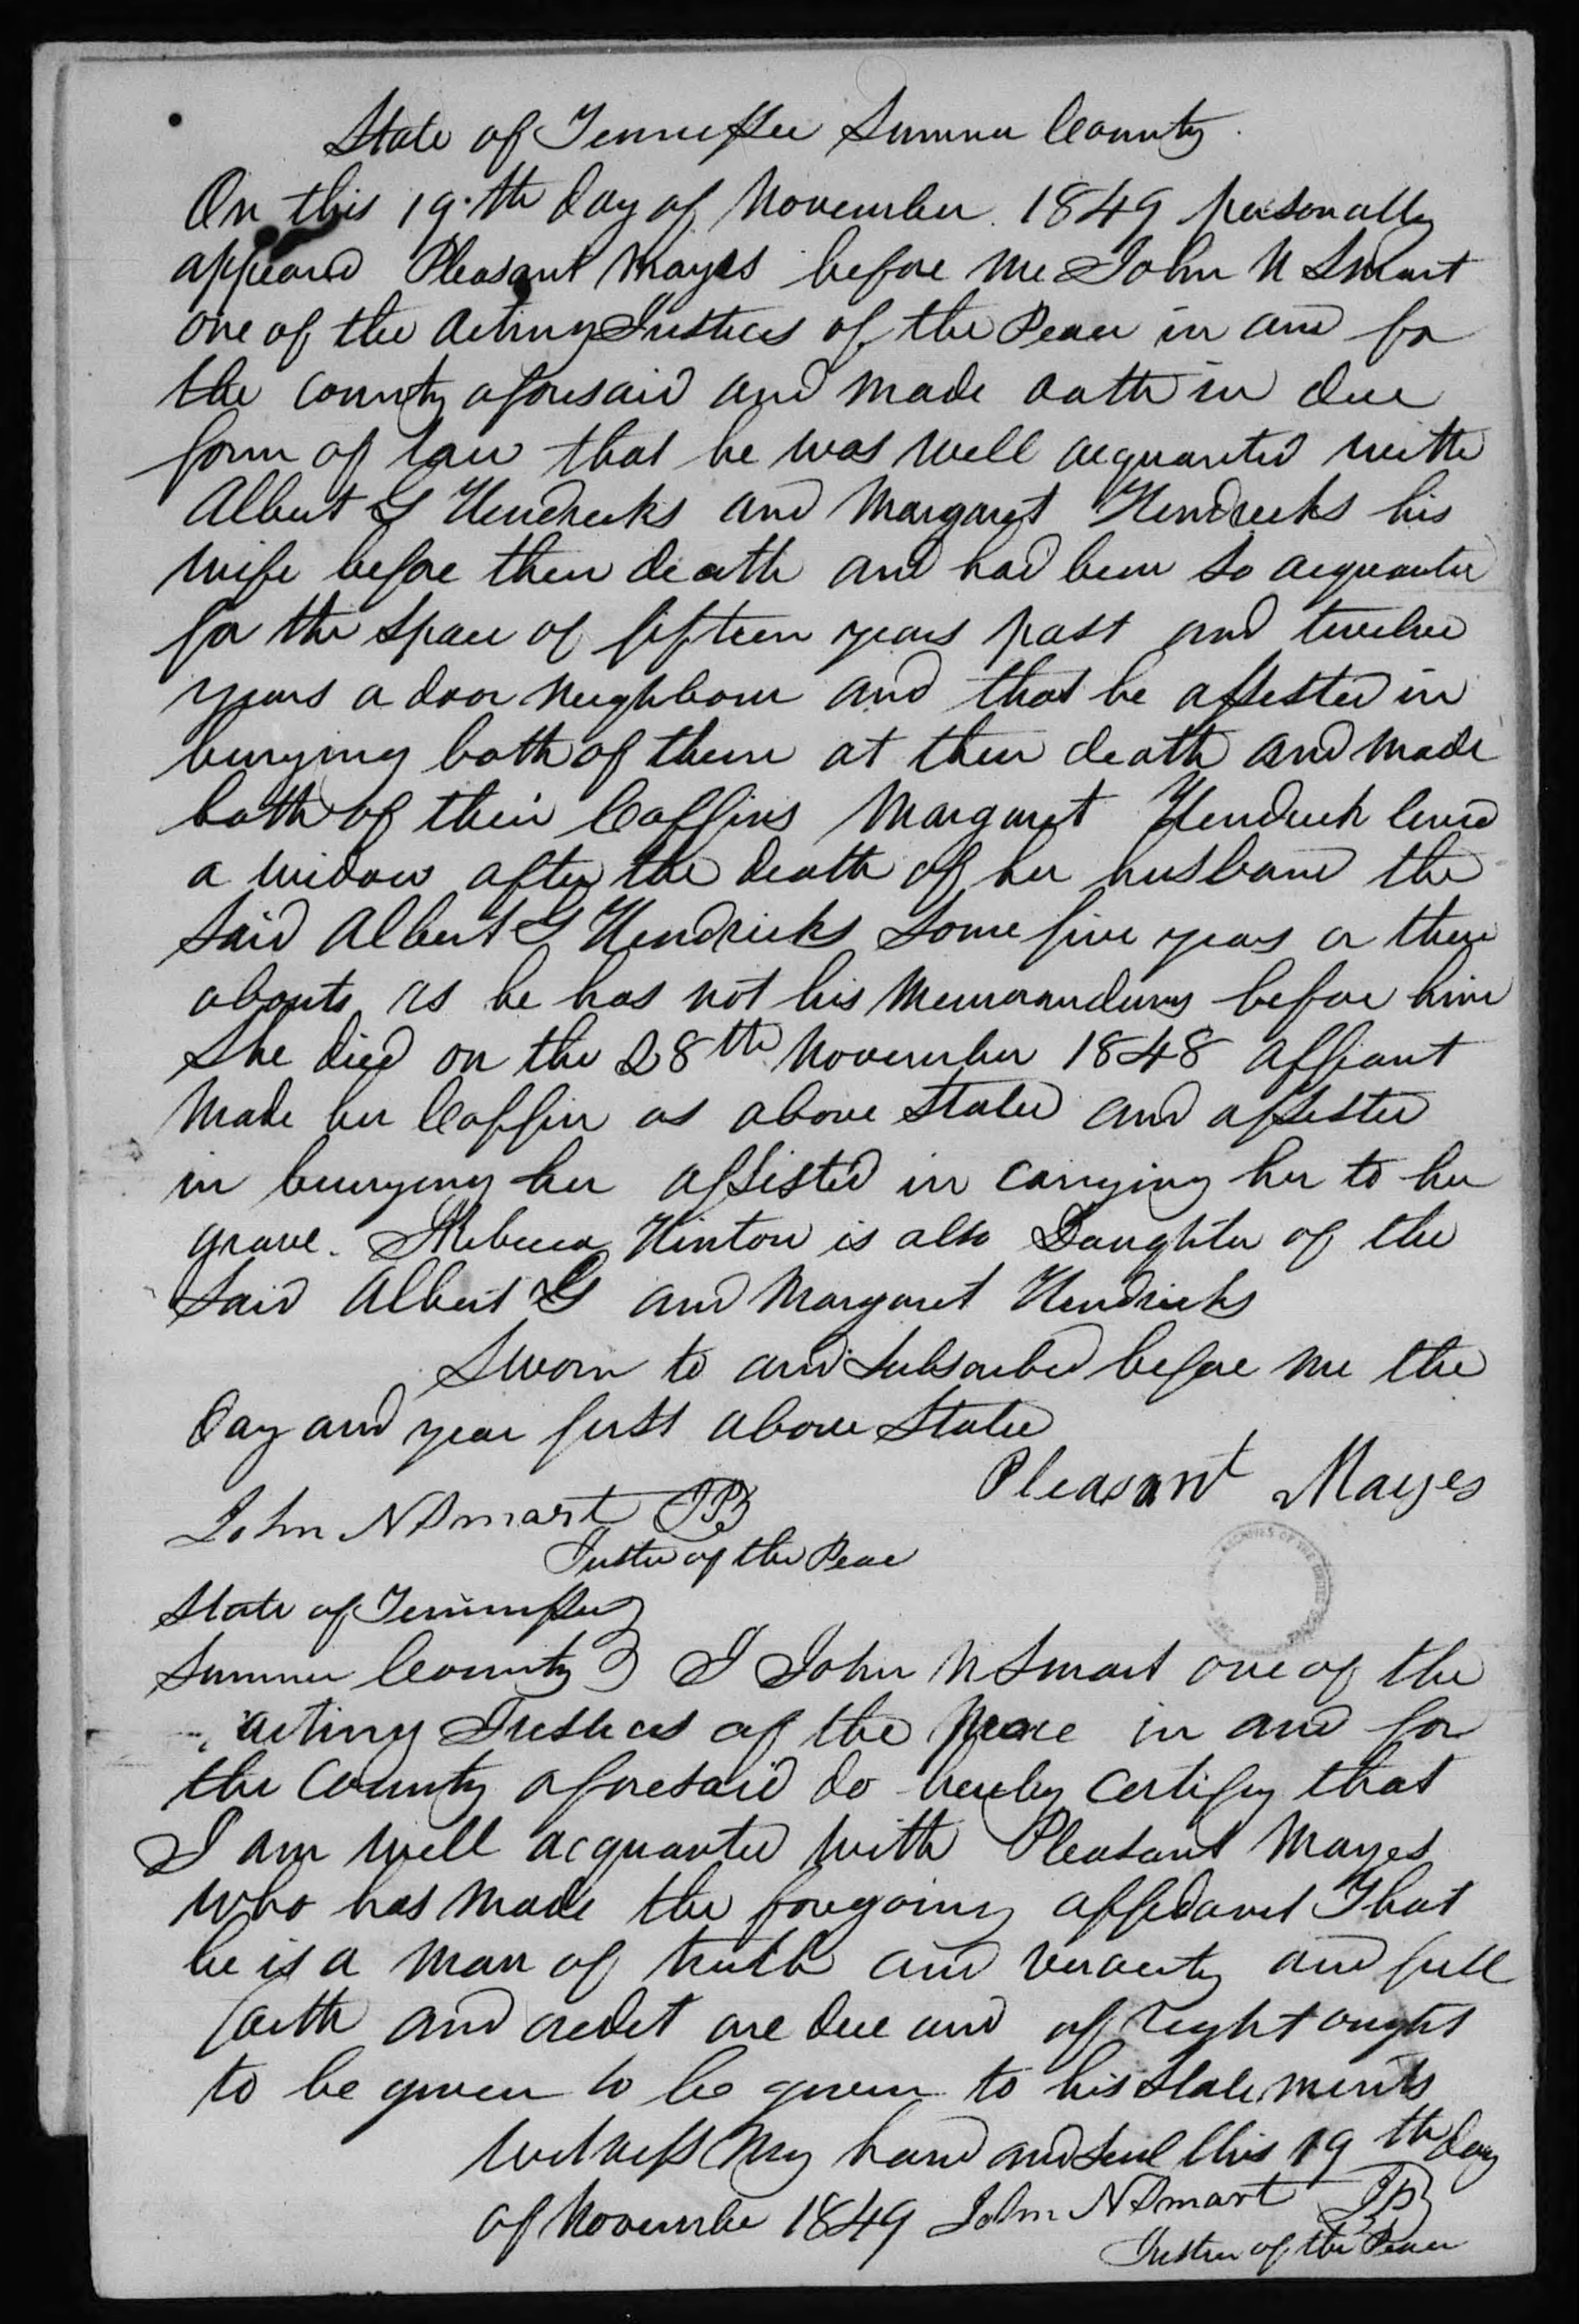State of Tennessee Sumner County 

On this 19th day of November 1849 personally 
appeared Pleasant Mayes before me John N Smart 
one of the acting Justices of the Peace in and for 
the County aforesaid and made oath in due 
form of law that he was well acquainted with 
Albert G Hendricks and Margaret Hendricks his 
wife before their death and had been so acquainted 
for the space of fifteen years past and twelve 
years a door neighbour [neighbor] and that he assisted in 
burying both of them at their death and made 
both of their coffins Margaret Hendrick lived 
a widow after the death of her husband the 
said Albert Hendricks Some five years or there 
about as he has not his memorandums before him 
she died on the 28th November 1848 Affiant 
made her coffin as above stated and assisted 
in burying her assisted in carrying her to her 
grave.  Rebecca Hinton is also daughter of the 
said Albert G and Margaret Hendricks
Sworn to and subscribed before me the 
day and year first above stated
Pleasant Mayes
John N Smart [encircled JP]
Justice of the Peace
[Circular stamp National Archives]
THE NATIONAL ARCHIVES OF THE UNITED STATES

State of Tennessee }
Sumner County } I John N Smart one of the 
acting Justices of the Peace in and for 
the County aforesaid do hereby certify that 
I am well acquainted with Pleasant Mayes 
who has made the foregoing affidavit That 
he is a man of truth and veracity and full 
faith and credit are due and of right ought 
to be given [repeated: to be given] to his statements
Witness my hand and seal this 19th day 
of November 1849 John N Smart [encircled JP]
Justice of the Peace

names: Albert G Hendricks, John N Smart, Albert G Hendricks, John N Smart, Margaret Hendricks, Margaret Hendrick, Pleasant Mayes, Pleasant Mayes, Pleasant Mayes, Rebecca Hinton, Margaret Hendricks, John N Smart, John N Smart, Albert G Hendricks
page: 73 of 76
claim: widow's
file: W. 83, Albert Hendricks, Continental Md. N.C.